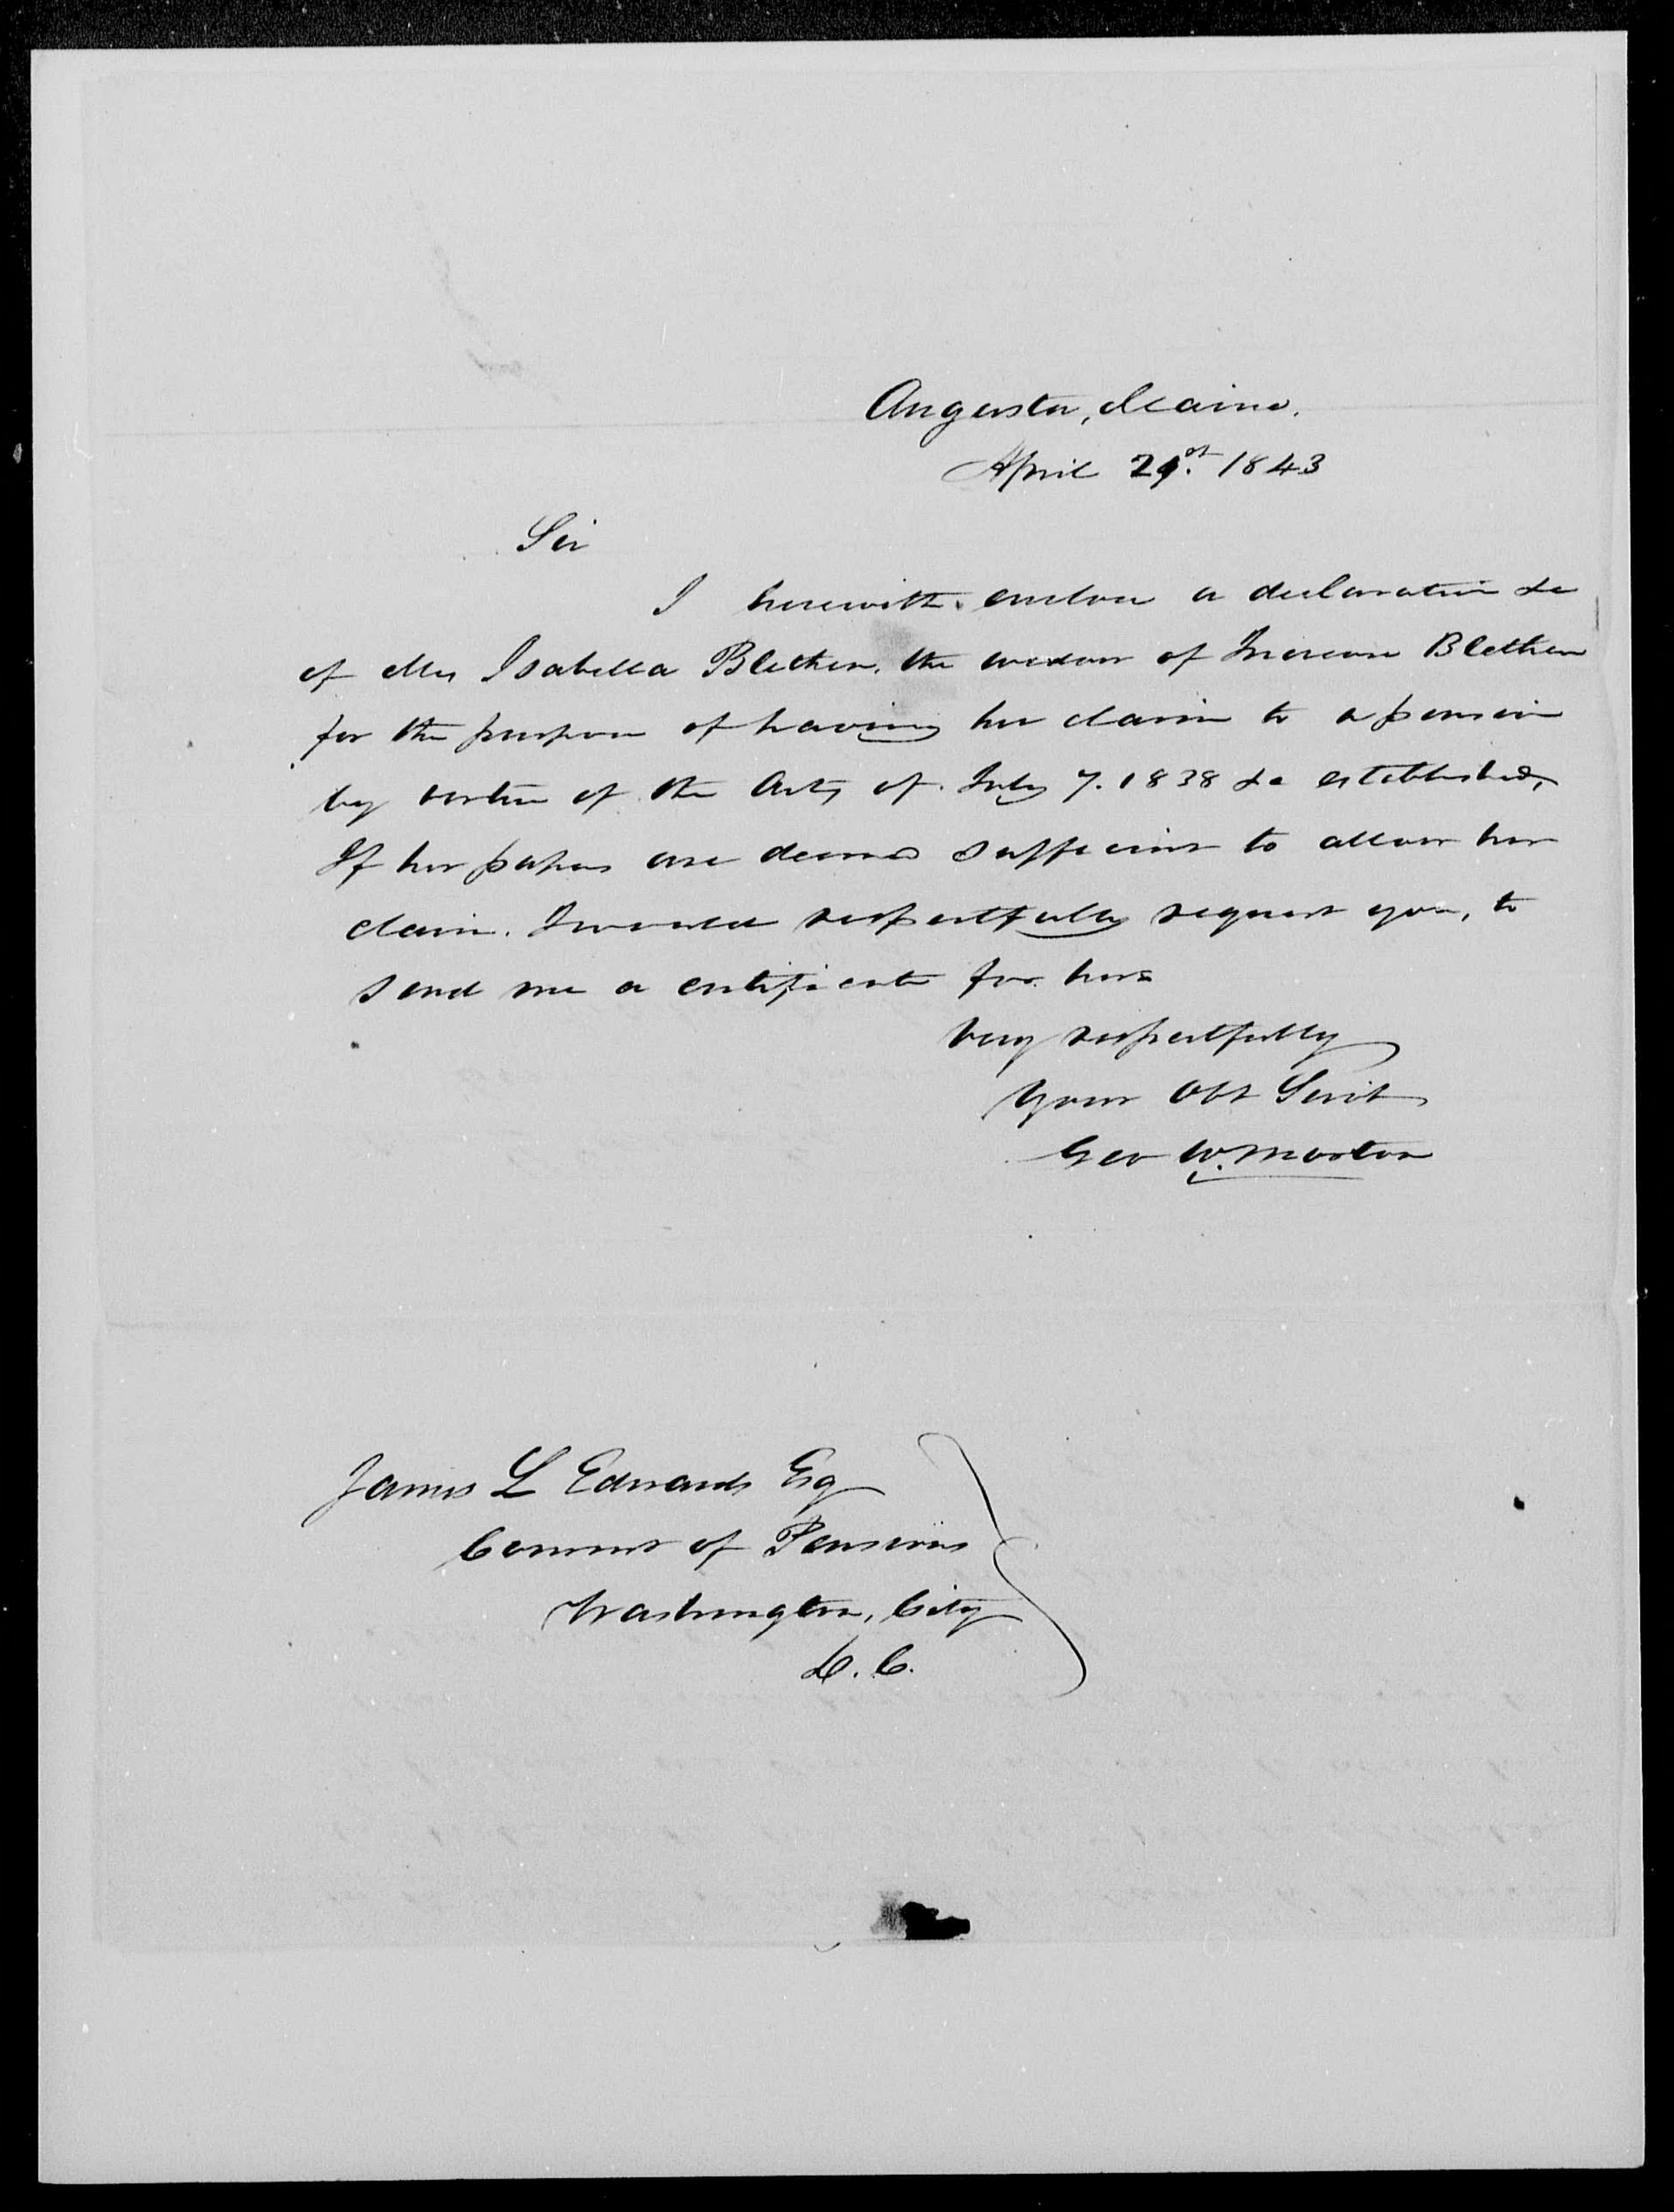Augusta, Maine
April 29th 1843

Sir 
I herewith enclose a declaration 
of Mrs Isabella Blethen the widow of Increase Blethen
for the purpose of having here claim to a pension
by [illegible] of the Acts of July 7. 1838 & established
[illegible] her papers are deemed suffices to allow her
claim. I would respectfully request you, to
send me a certificate for her.
Very respectfully
Your Obd Servt [Obedient Servant]
Geo W. Morton

Jame L Edmands Esq
Comm of Pensions
Washington City
D. C.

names: Increase Blethen, Isabella Blethen, James L Edwards, Geo W Morton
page: 32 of 39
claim: widow's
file: W. 23,621, Increase Blethen, Mass.